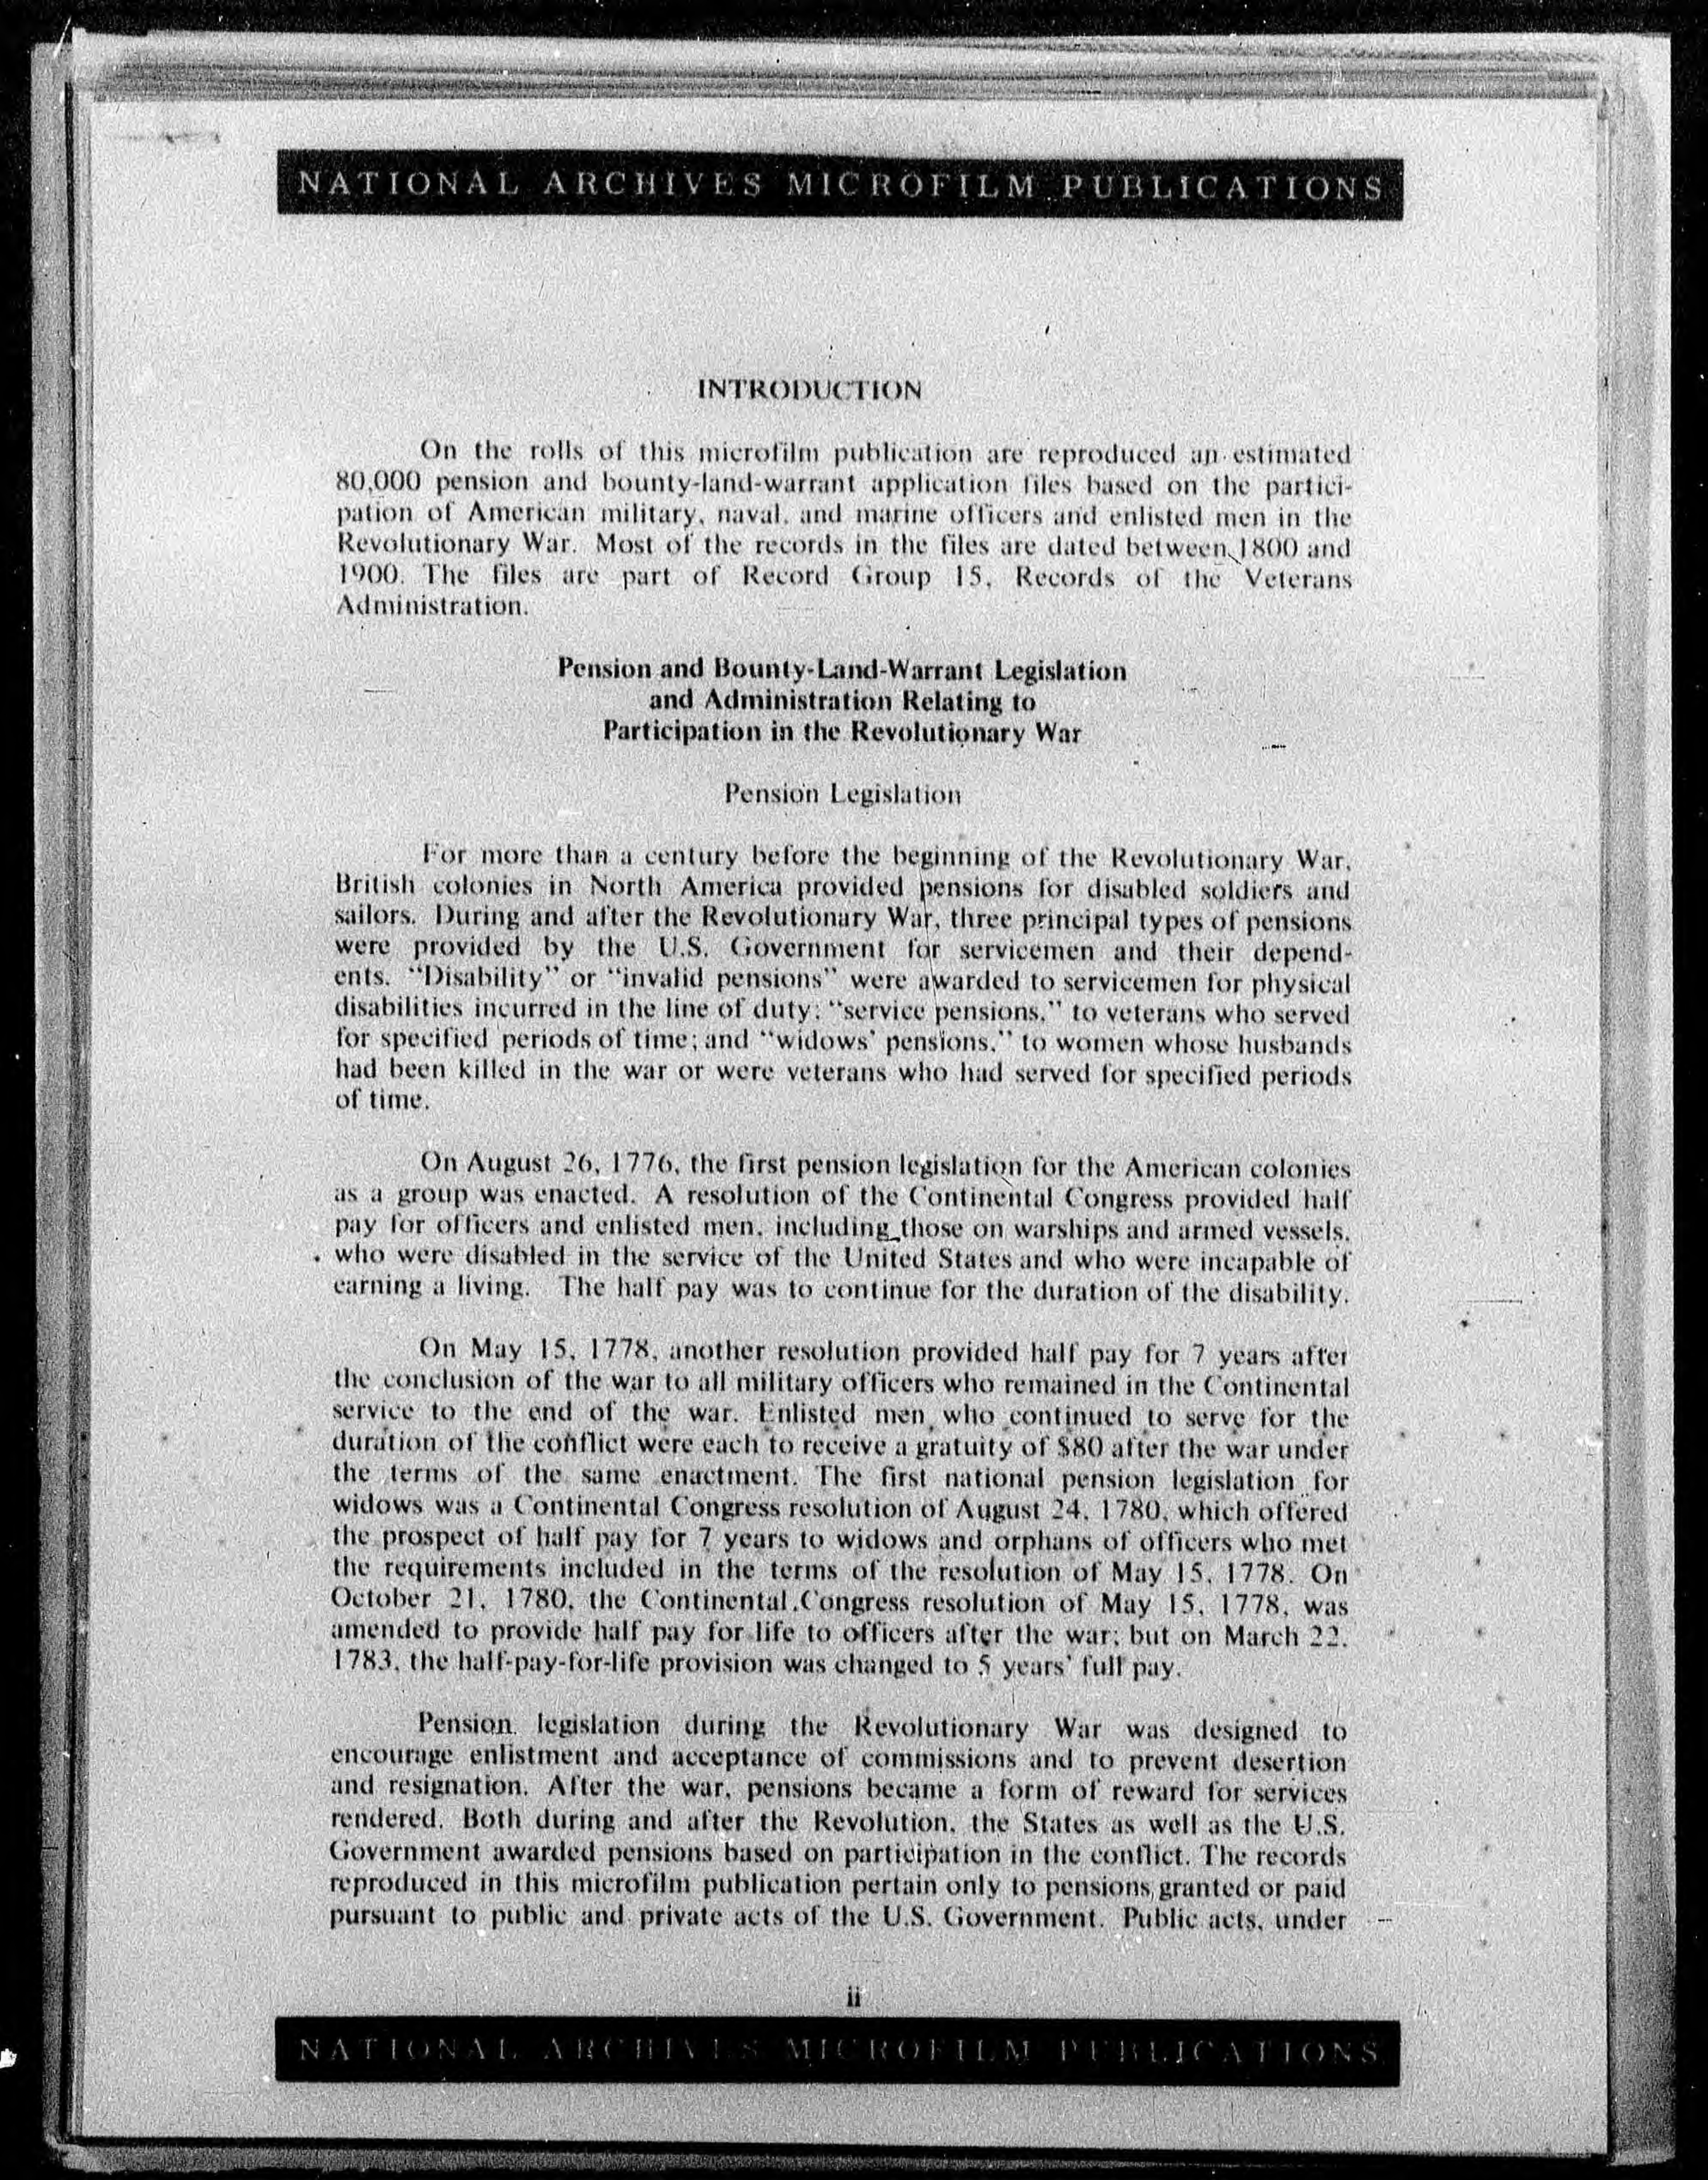On the rolls of this microfilm publication are reproduced an estimated 80,000 pension and bounty-land-warrant application files based on the participation of American military, naval, and marine officers and enlisted men in the Revolutionary War. Most of the records in the files are dated between 1800 and 1900. The files are part of Record Group 15, Records of the Veterans Administration. 
Pension and Bounty-Land-Warrant Legislation and Administration Relating to Participation in the Revolutionary War. 
Pension Legislation
For more than a century before the beginning of the Revolutionary War, British Colonies in North America provided pensions for disabled soldiers and sailors. During and after the Revolutionary War, three principal types of pensions were provided by the U.S Government for servicemen and their dependents. "Disability" or "invalid pensions" were awarded to servicemen for physical disabilities incurred in the time of duty: "service pensions" to veterans who served for specified periods of time; and "widow's pensions" to women whose husbands had been killed in the war or were veterans who had served for specified periods of time. 
On August 26, 1776, the first pension legislation for the American colonies as a group was enacted. A resolution of the Continental Congress provided half pay for officers and enlisted men, including those on warships and armed vessels, who were disabled in the service of the United States and who were incapable of earning a living. The half pay was to continue for the duration of the disability. 
On May 15, 1778, another resolution provided half pay for 7 years after the conclusion of the war to all military officers who remained in the Continental service to the end of the war. Enlisted men who continued to serve for the duration of the conflict were each to receive a gratuity of $80 after the war under the terms of the same enactment. The first national pension legislation for widows was a Continental Congress resolution of August 24, 1780, which offered the prospect of half pay for 7 years to widows and orphans of officers who met the requirements included in the terms of the resolution of May 15, 1778. On October 21, 1780, the Continental Congress resolution
of May 15, 1778, was amended to provide half pay for life to officers after the war, but on March 22, 1783, the half-pay-for-life provision was changed to 5 years' full pay. 
Pension legislation during the Revolutionary War was designed to encourage enlistment and acceptance of commissions and to prevent desertion and resignation. After the war, pensions became a form of reward for services rendered. Both during and after the Revolution, the States as well as the U.S Government awarded pensions based on participation in the conflict. The records reproduced in this microfilm publication pertain only to pensions granted or paid pursuant to public and private acts of the U.S government. Public acts, under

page: 1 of 59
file: Revolutionary War Pension and Bounty Land Warrant Application File